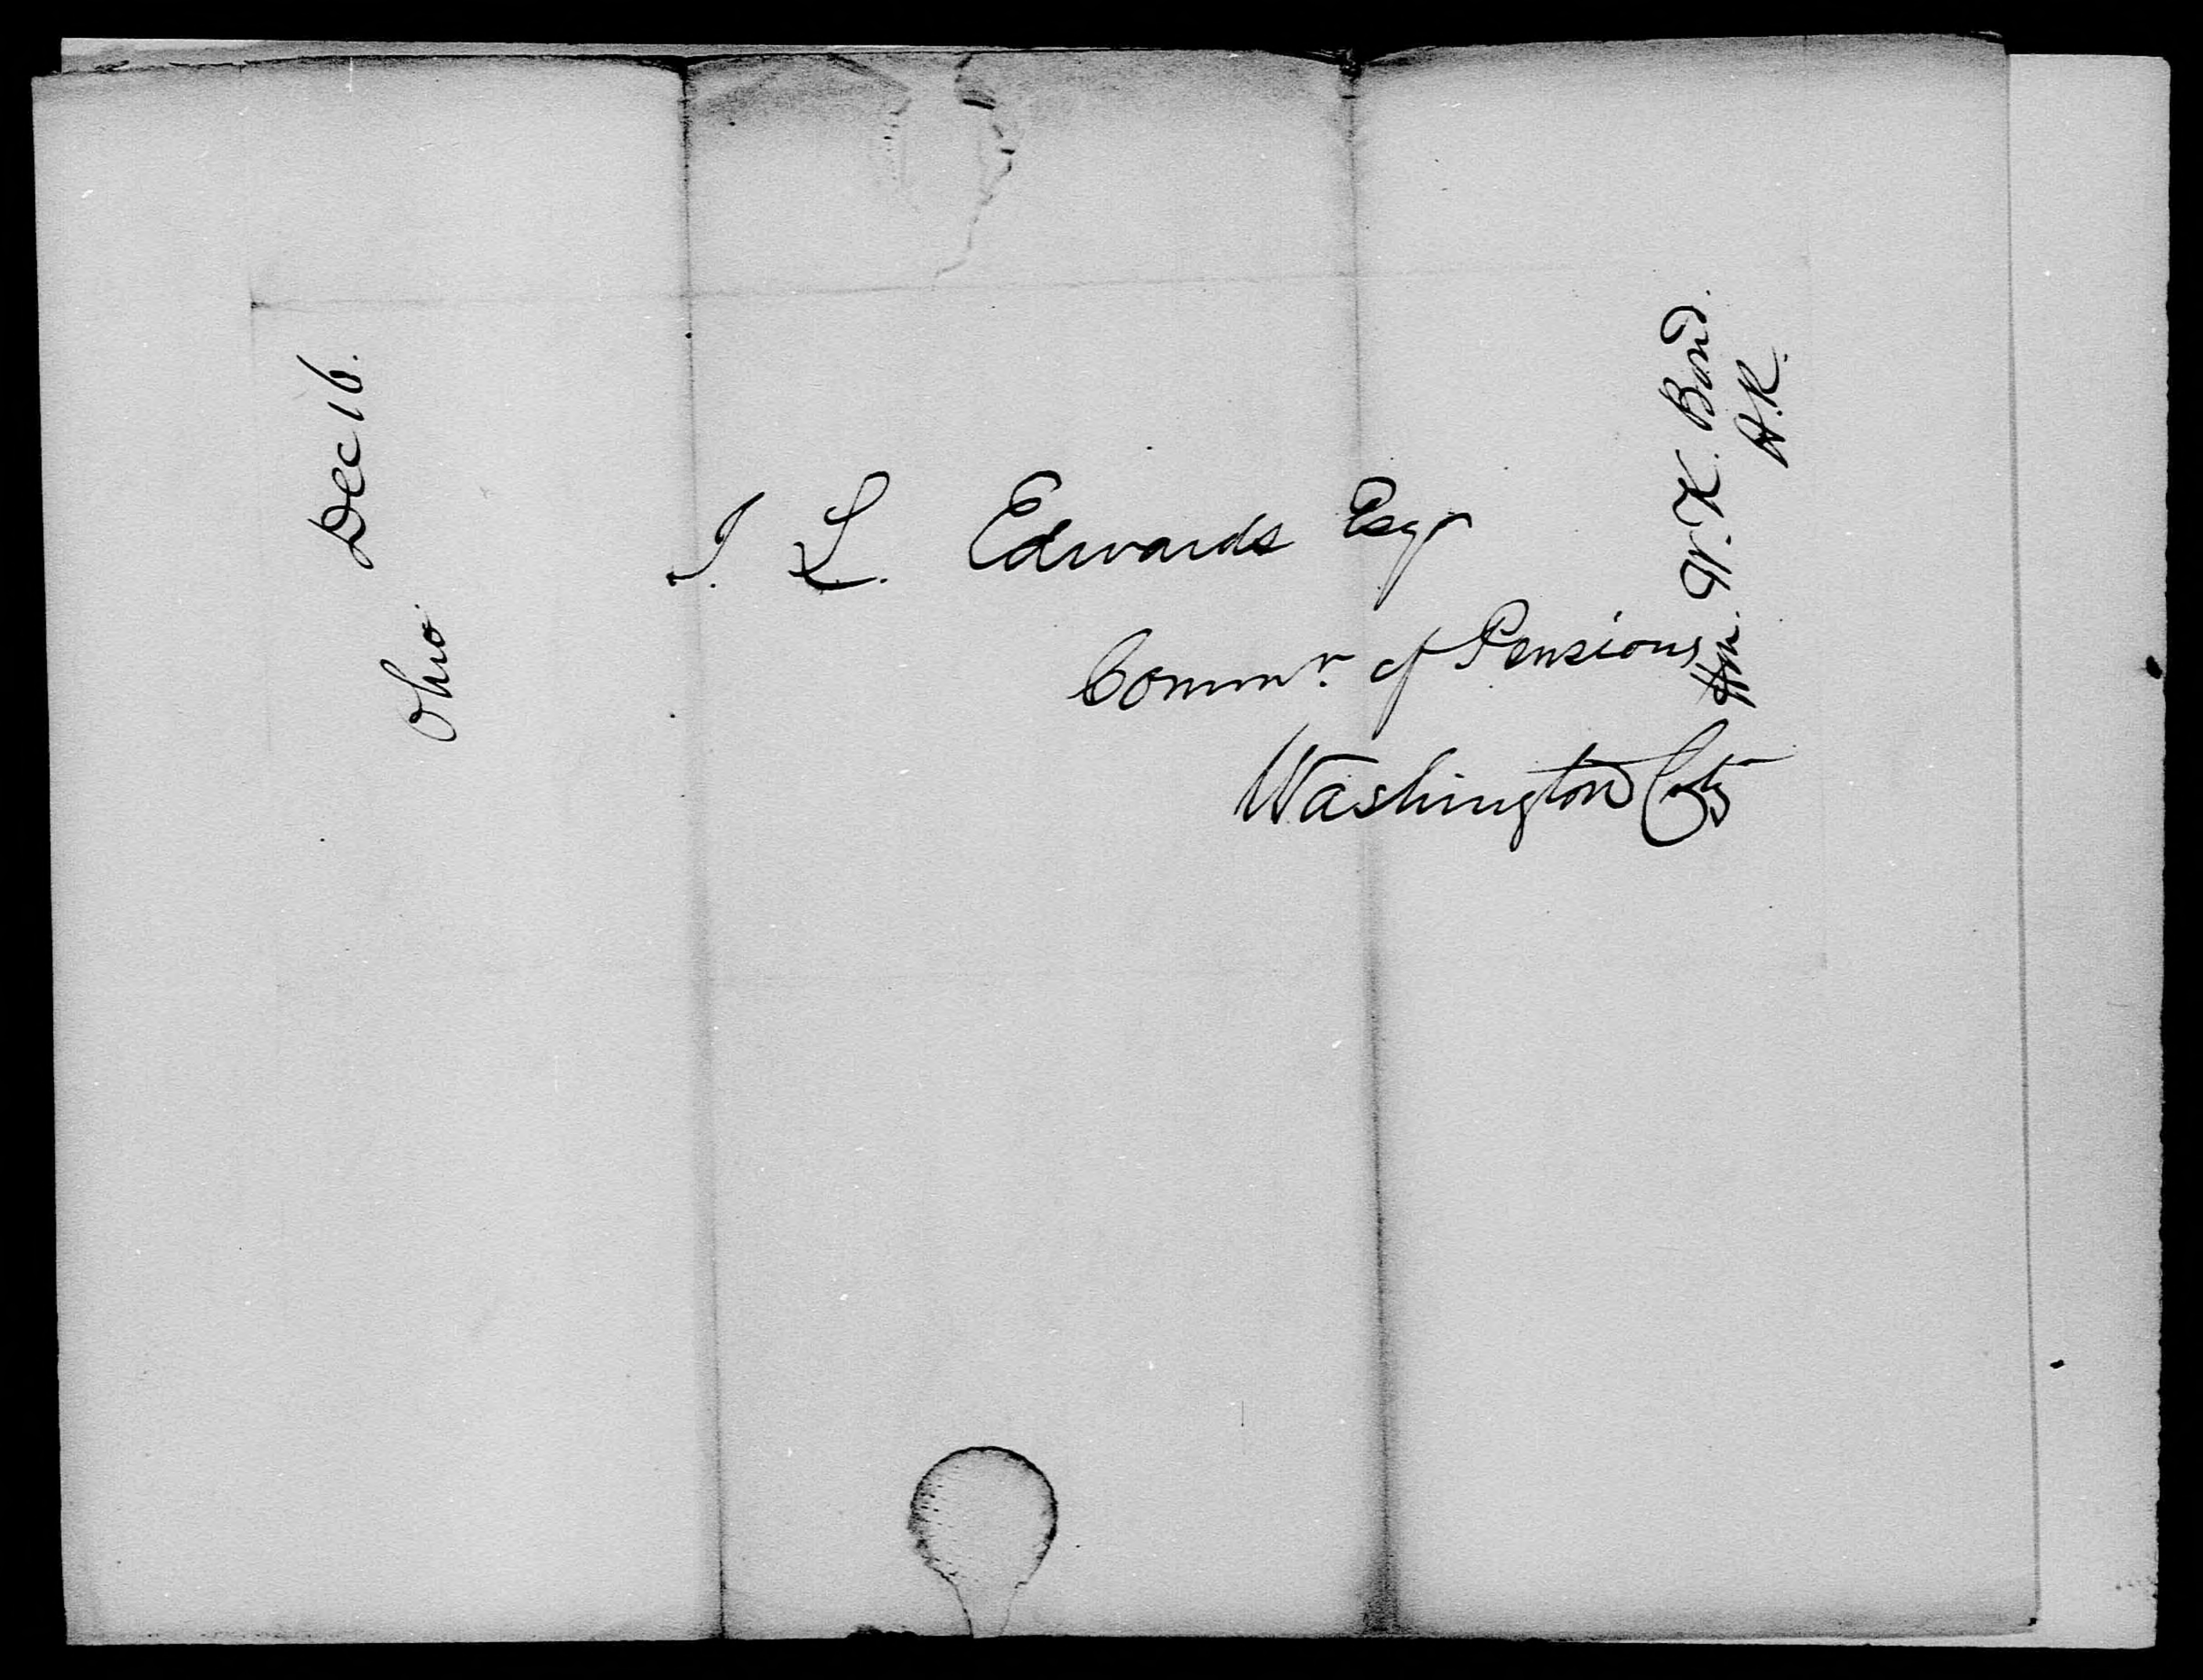Dec 16 
Ohio
Hon W. K. Bond
H.R.

J. L. Edwards Esqr
Commr of Pensions
Washington City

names: J L Edwards, W K Bond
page: 2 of 8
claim: rejected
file: R. 2,533, Thomas Crouch, Md.